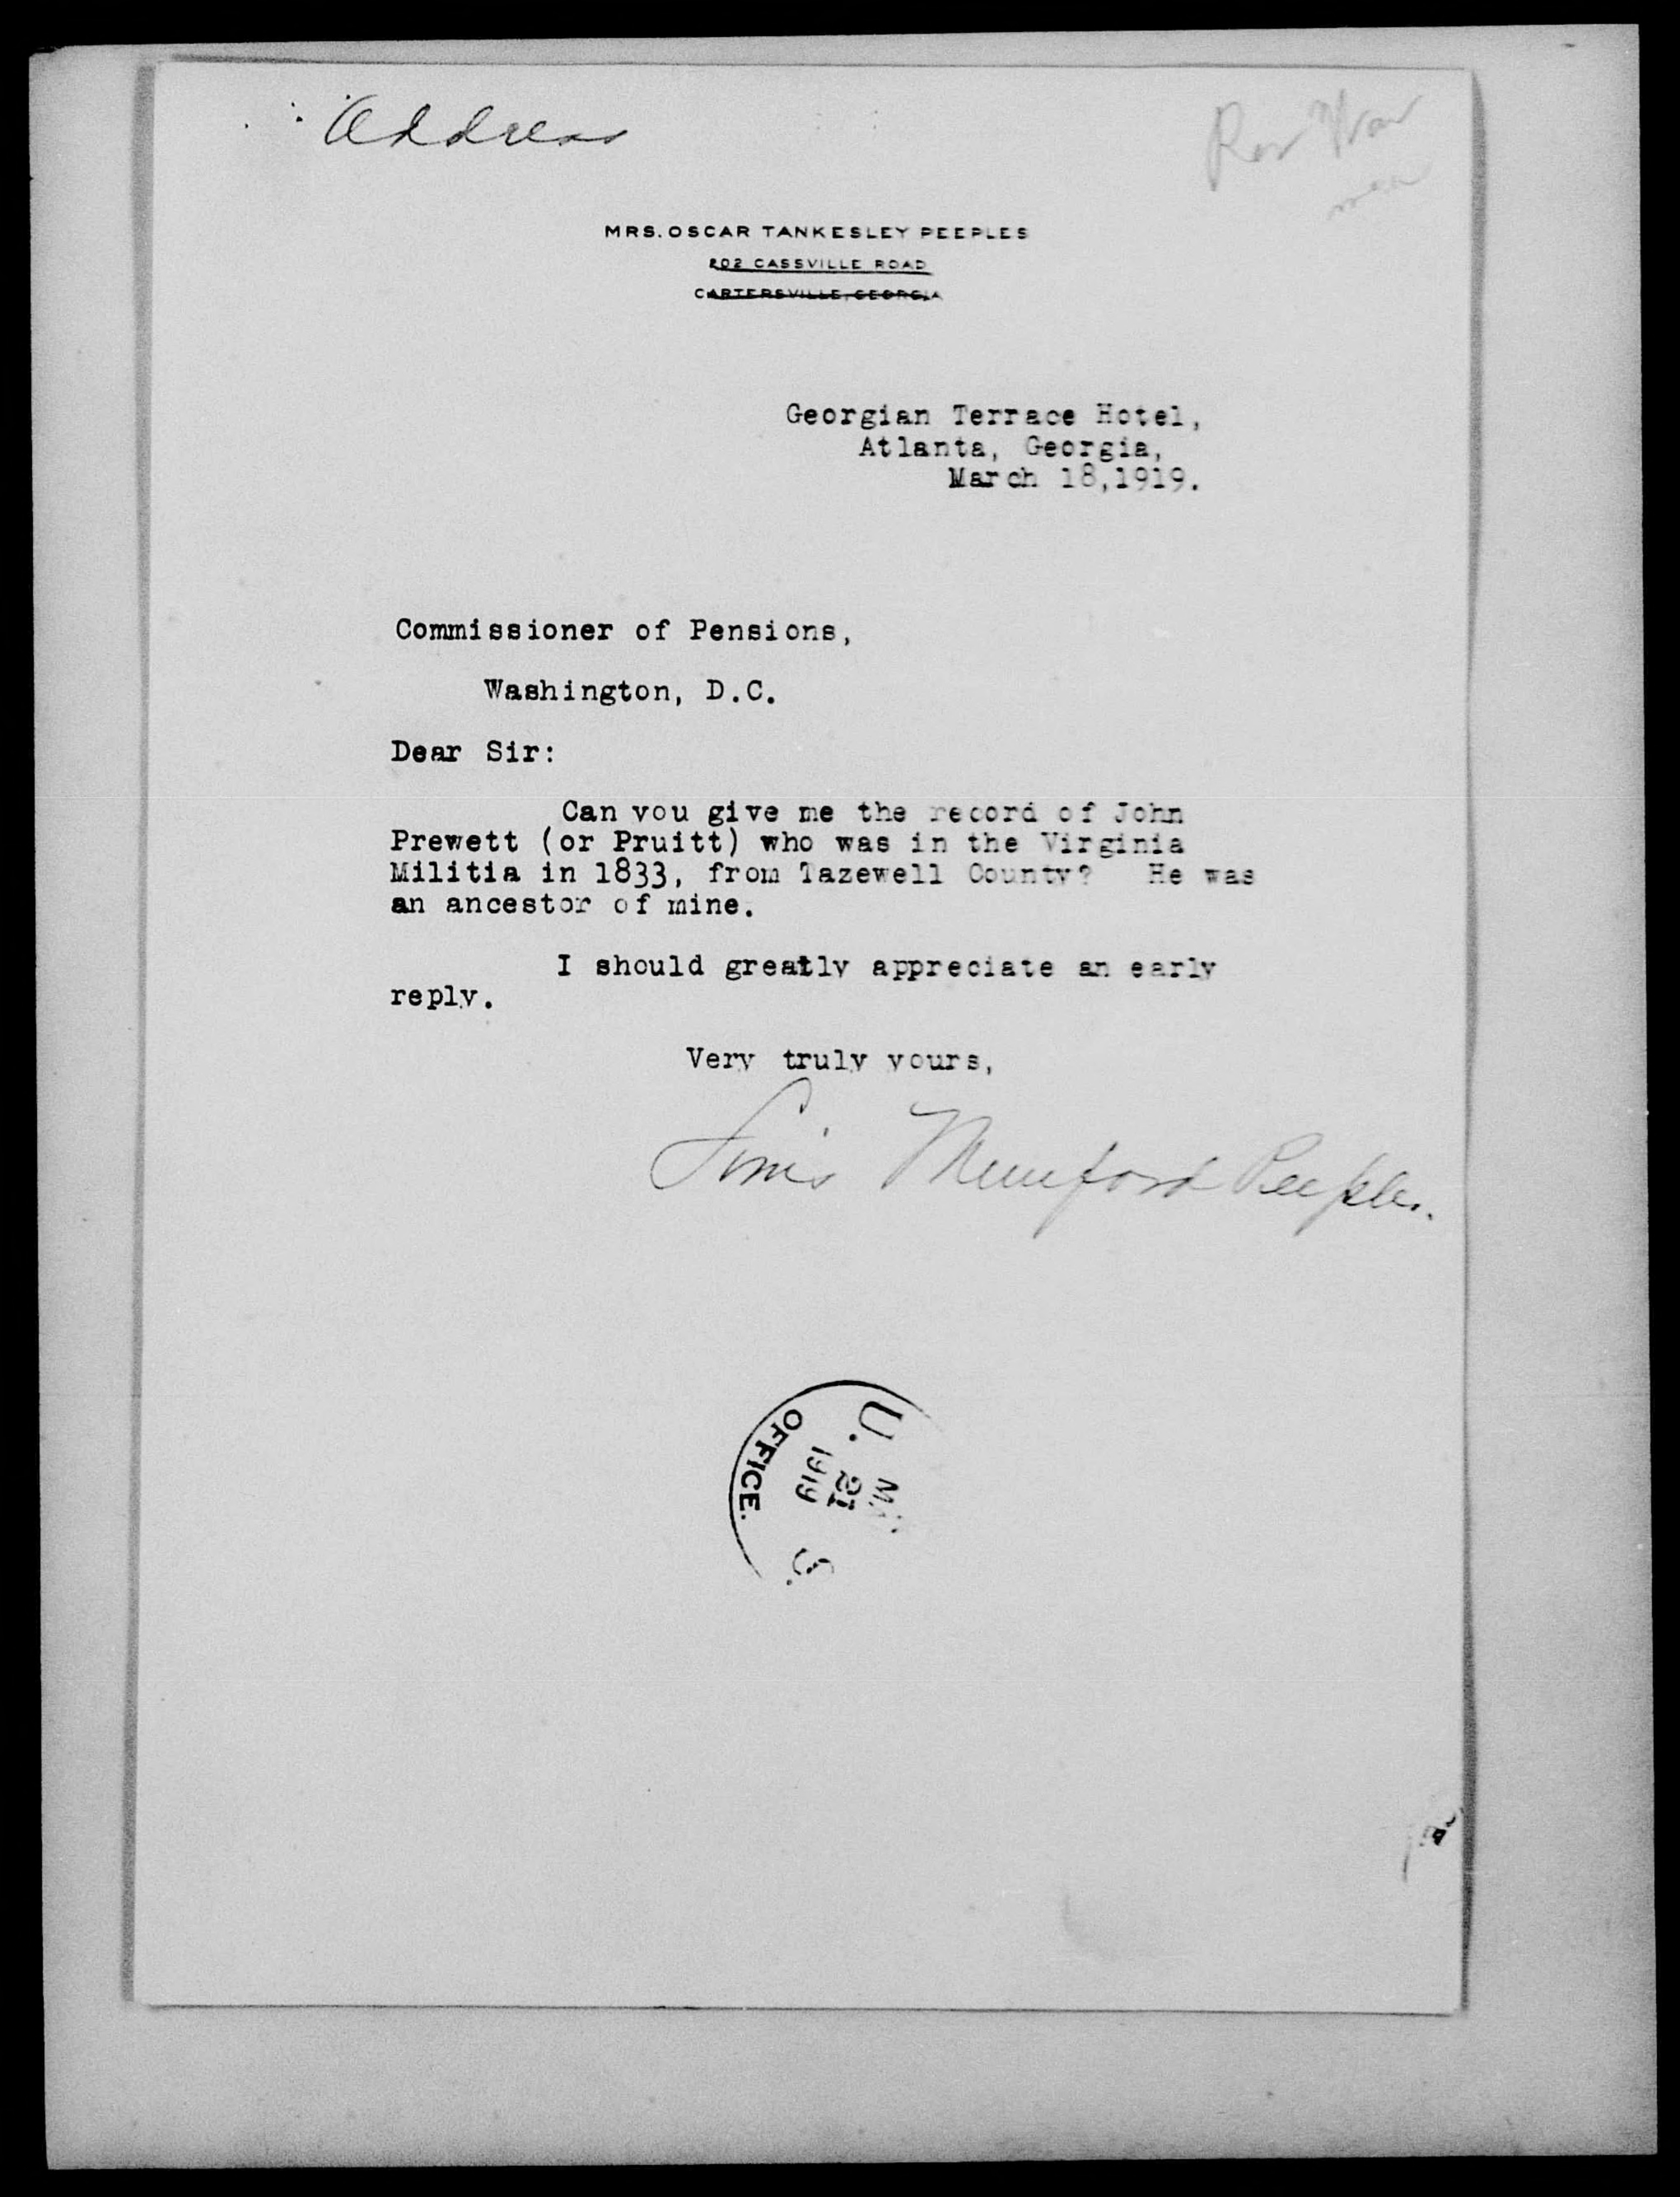Address Rev War

MRS. OSCAR TANKESLEY PEEPLES
Georgian Terrace Hotel,
Atlanta, Georgia,
March 18, 1919.

Commissioner of Pensions,
Washington, D.C.

Dear Sir:
Can you give me the record of John Prewett (or Pruitt) who was in the Virginia Militia in 1833, from Tazewell County? He was an ancestor of mine.
I should greatly appreciate an early reply.
Very truly yours,
Louis Munford Peeples.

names: John Pruitt; Louis Munford Peeples; John Prewett; Oscar Tankesley Peeples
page: 22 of 35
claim: survivor's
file: S. 30,665, for John Prewett, Virginia